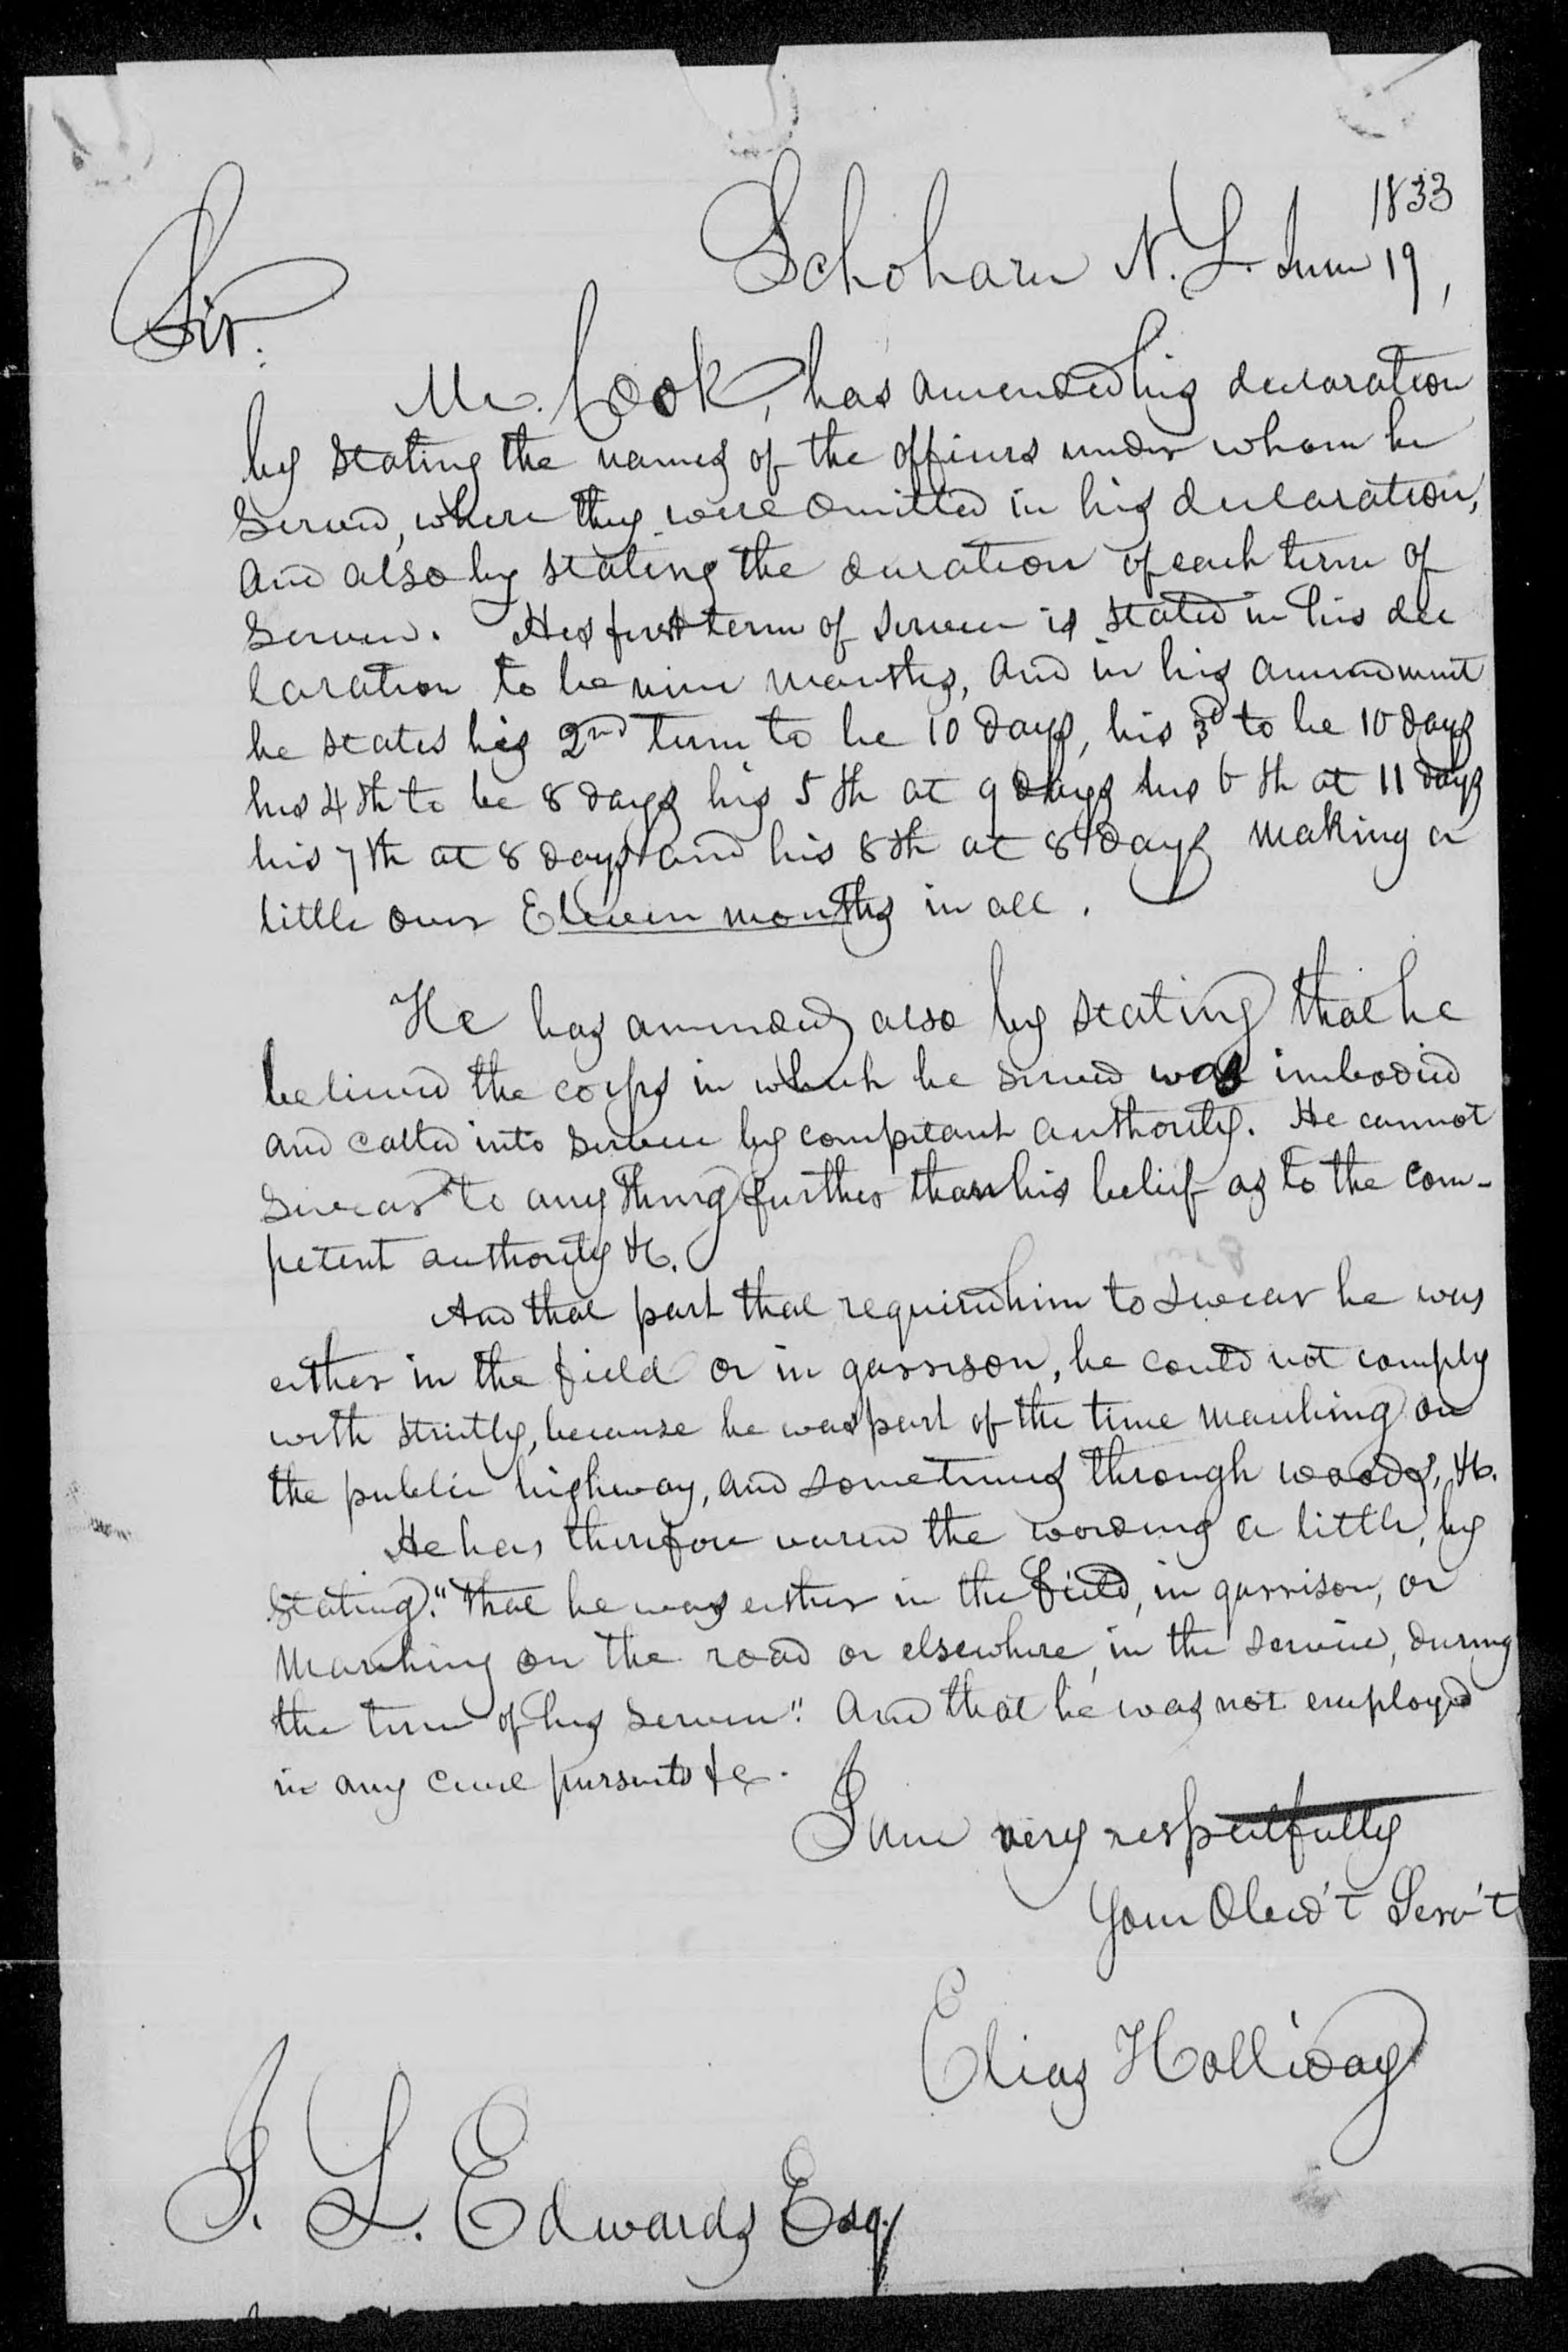Schoharie, N.Y. June 19, 1833

Sir:

Mr. Cook, has amended his declaration by stating the names of the officers under whom he Served, where they will omitted in his declaration, and also by stating the duration of each term of Service. His first term of service as stated in his declaration to be nine months, and in his amendment he states his 2nd term to be 10 days, his 3rd to be 10 days his 4th to be 8 days his 5th at 9 days his 6th at 11 days his 7th at 8 days and his 8th at 8 days making a little over Eleven months in all.

He has amended also by stating that he believed the corps in which he served was imbodied and called into Service by competant authority. He cannot Swear to anything further than his belief as to the competent
authority &c.

And that part that required him to swear he was either in the field or in garrison, he could not comply with strictly, because he was part of the time marching on the public highway, and sometimes through woods, &c.

He has therefore [illegible] the wording a little, by stating "that he was either in the field, in garrison, or Marching on the road or elsewhere in the Service, during the time of his Service."  And that he was not employed in any civil pursuit &c.

I am very respectfully
Your Obed't Servt
Elias Holliway
J.L Edwards Esq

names: J L Edwards, Cook, Elias Holliday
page: 49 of 51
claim: survivor's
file: S. 12563, Severinus Cook, New York